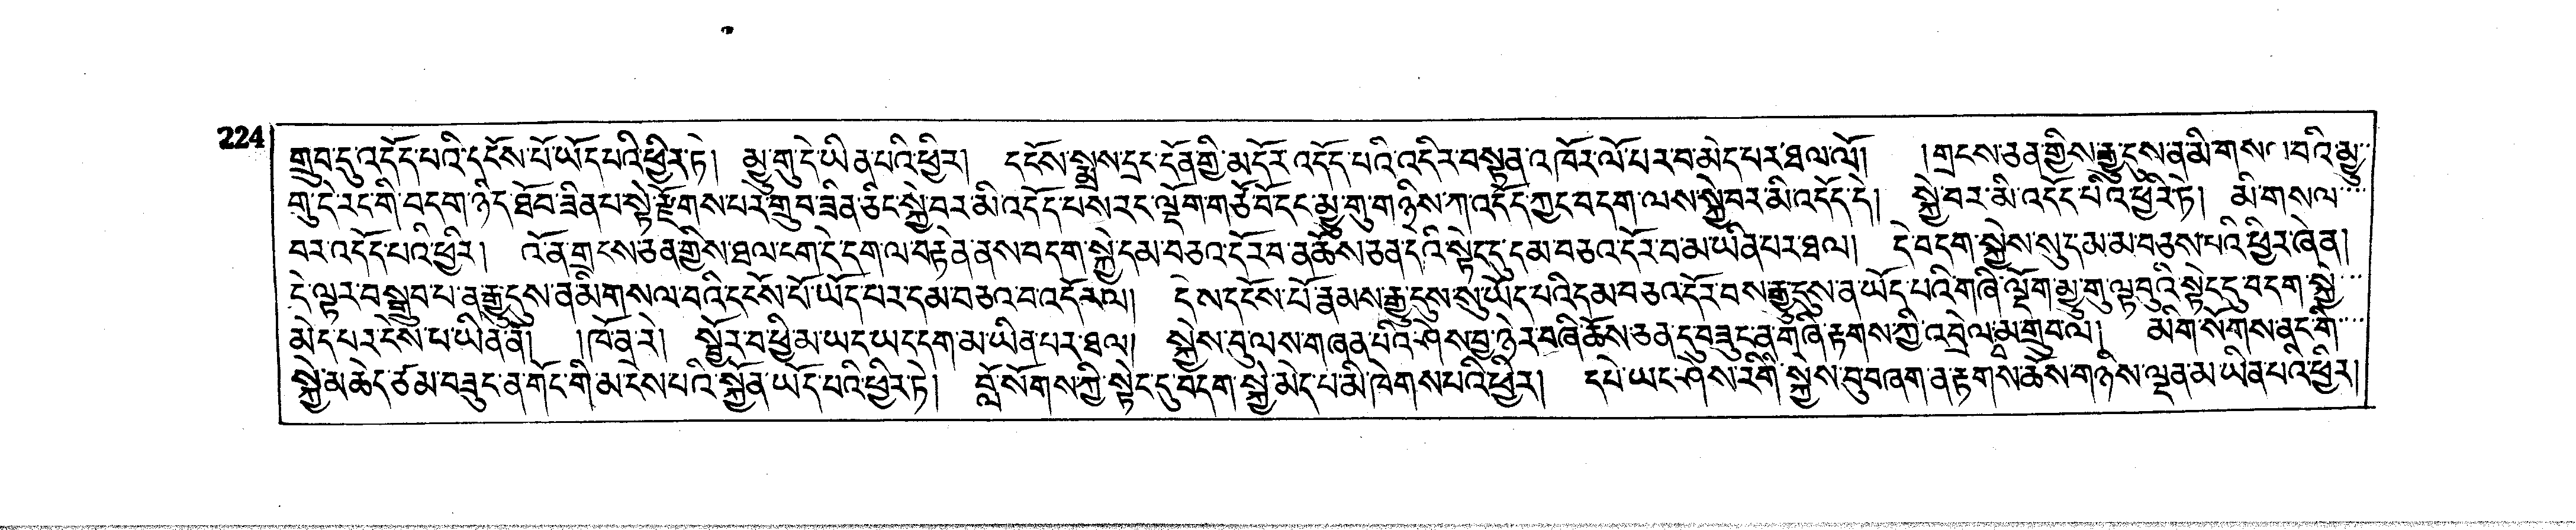གྲུབ་དུ་འདོད་པའི་དངོས་པོ་ཡོད་པའི་ཕྱིར་ཏེ། མྱུ་གུ་དེ་ཡིན་པའི་ཕྱིར། དངོས་སྨྲས་དྲང་དོན་གྱི་མདོར་འདོད་པའི་འདིར་བསྟན་འཁོར་ལོ་བར་པ་མེད་པར་ཐལ་ལོ། །གྲངས་ཅན་གྱིས་རྒྱུ་དུས་ན་མི་གསལ་བའི་མྱུ་
གུ་དེ་རང་གི་བདག་ཉིད་ཐོབ་ཟིན་པ་སྟེ་རྫོགས་པར་གྲུབ་ཟིན་ཅིང་སྐྱེ་བར་མི་འདོད་པས་རང་ལྡོག་གཙོ་བོ་དང་མྱུ་གུ་གཉིས་ཀ་འདོད་ཀྱང་བདག་ལས་སྐྱེ་བར་མི་འདོད་དེ། སྐྱེ་བར་མི་འདོད་པའི་ཕྱིར་ཏེ། མི་གསལ་
བར་འདོད་པའི་ཕྱིར། འོ་ན་གྲངས་ཅན་གྱིས་ཐལ་ངག་དེ་དག་ལ་བརྟེན་ནས་བདག་སྐྱེ་དམ་བཅའ་དོར་བ་ན་ཆོས་ཅན་དེའི་སྟེང་དུ་དམ་བཅའ་དོར་བ་མ་ཡིན་པར་ཐལ། དེ་བདག་སྐྱེས་སུ་དམ་མ་བཅས་པའི་ཕྱིར་ཞེ་ན།
དེ་ལྟར་བསྒྲུབ་པ་ན་རྒྱུ་དུས་ན་མི་གསལ་བའི་དངོས་པོ་ཡོད་པར་དམ་བཅའ་བ་འདོར་ལ། དེས་དངོས་པོ་རྣམས་རྒྱུ་དུས་སུ་ཡོད་པའི་དམ་བཅའ་དོར་བས་རྒྱུ་དུས་ན་ཡོད་པའི་གཞི་ལྡོག་མྱུ་གུ་ལྟ་བུའི་སྟེང་དུ་བདག་སྐྱེ་
མེད་པར་ངེས་པ་ཡིན་ནོ། །ཁོ་ན་རེ། སྦྱོར་བ་ཕྱི་མ་ཡང་ཡང་དག་མ་ཡིན་པར་ཐལ། སྐྱེས་བུ་ལས་གཞན་པའི་ཤེས་བྱ་ཉེར་བཞི་ཆོས་ཅན་དུ་བཟུང་ན་གཞི་རྟགས་ཀྱི་འབྲེལ་བ་མ་གྲུབ་ལ། མིག་སོགས་ནང་གི་
སྐྱེ་མཆེད་ཙམ་བཟུང་ན་གོང་གི་མ་ངེས་པའི་སྐྱོན་ཡོད་པའི་ཕྱིར་ཏེ། བློ་སོགས་ཀྱི་སྟེང་དུ་བདག་སྐྱེ་མེད་པ་མི་ཁེགས་པའི་ཕྱིར། དཔེ་ཡང་ཤེས་རིག་གི་སྐྱེས་བུ་བཞག་ན་རྟགས་ཆོས་གཉིས་ལྡན་མ་ཡིན་པའི་ཕྱིར།